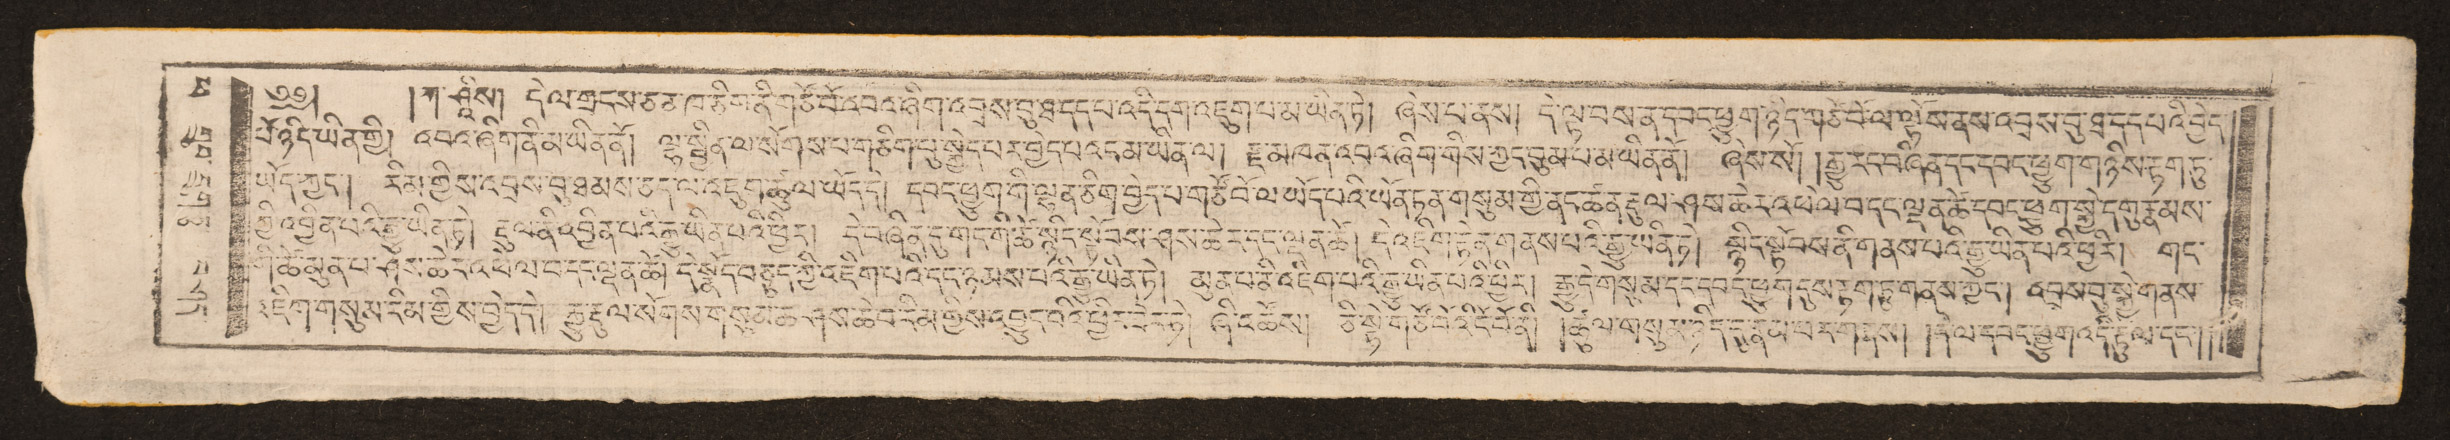༄༅། །ཀ་ཤཱིས། དེ་ལ་གྲངས་ཅན་ཁ་ཅིས་ནི་གཙོ་བོ་འབའ་ཞིག་འབྲས་བུ་ཐ་དད་པ་འདི་དག་འཇུག་པ་མ་ཡིན་ཏེ། ཞེས་པ་ནས། དེ་ལྟ་བས་ན་དབང་ཕྱུག་ཉིད་གཙོ་བོ་ལ་ལྟོས་ནས་འབྲས་བུ་ཐ་དད་པའི་བྱེད་
པོ་ཉིད་ཡིན་གྱི། འབའ་ཞིག་ནི་མ་ཡིན་ནོ། ལྷ་སྦྱིན་ལ་སོགས་པ་གཅིག་པུ་སྐྱེད་པར་བྱེད་པའང་མ་ཡིན་ལ། རྫ་མཁན་འབའ་ཞིག་གིས་ཀྱང་བུམ་པ་མ་ཡིན་ནོ། ཞེས་སོ། །རྒྱུ་རང་བཞིན་དང་དབང་ཕྱུག་གཉིས་རྟག་ཏུ་
ཡོད་ཀྱང་། རིམ་གྱིས་འབྲས་བུ་ཐམས་ཅད་ལ་འཇུག་ཚུལ་ཡོད་དེ། དབང་ཕྱུག་གི་ལྷན་ཅིག་བྱེད་པ་གཙོ་བོ་ལ་ཡོད་པའི་ཡོན་ཏན་གསུམ་གྱི་ནང་ཚན་རྡུལ་ཤས་ཆེར་འཕེལ་བ་དང་ལྡན་ཚེ་དབང་ཕྱུག་སྐྱེ་དགུ་རྣམས་
ཀྱི་འབྱིན་པའི་རྒྱུ་ཡིན་ཏེ། རྡུལ་ནི་འབྱིན་པའི་རྒྱུ་ཡིན་པའི་ཕྱིར། དེ་བཞིན་དུ་གང་གི་ཚེ་སྙིང་སྟོབས་ཤས་ཆེར་དང་ལྡན་ཚེ། དེ་འཇིག་རྟེན་གནས་པའི་རྒྱུ་ཡིན་ཏེ། སྙིང་སྟོབས་ནི་གནས་པའི་རྒྱུ་ཡིན་པའི་ཕྱིར། གང་
གི་ཚེ་མུན་པ་ཤས་ཆེར་འཕེལ་བ་དང་ལྡན་ཚེ། དེ་སྣོད་བཅུད་ཀྱི་འཇིག་པའི་དང་ཉམས་པའི་རྒྱུ་ཡིན་ཏེ། མུན་པ་ནི་འཇིག་པའི་རྒྱུ་ཡིན་པའི་ཕྱིར། རྒྱུ་དེ་གསུམ་དང་དབང་ཕྱུག་དུས་རྟག་ཏུ་གནས་ཀྱང་། འབྲས་བུ་སྐྱེ་གནས་
འཇིག་གསུམ་རིམ་གྱིས་བྱེད་དེ། རྒྱུ་རྡུལ་སོགས་གསུམ་ཆ་ཤས་ཆེ་བ་རིམ་གྱིས་འབྱུང་བའི་ཕྱིར་ཟེར་ཏེ། ཞི་འཚོས། ཅི་སྟེ་གཙོ་བོའི་ངོ་བོ་ནི། །ཚུལ་གསུམ་ཉིད་དུ་རྣམ་པར་གནས། །དེ་ལ་དབང་ཕྱུག་འདི་རྟུལ་དང།།